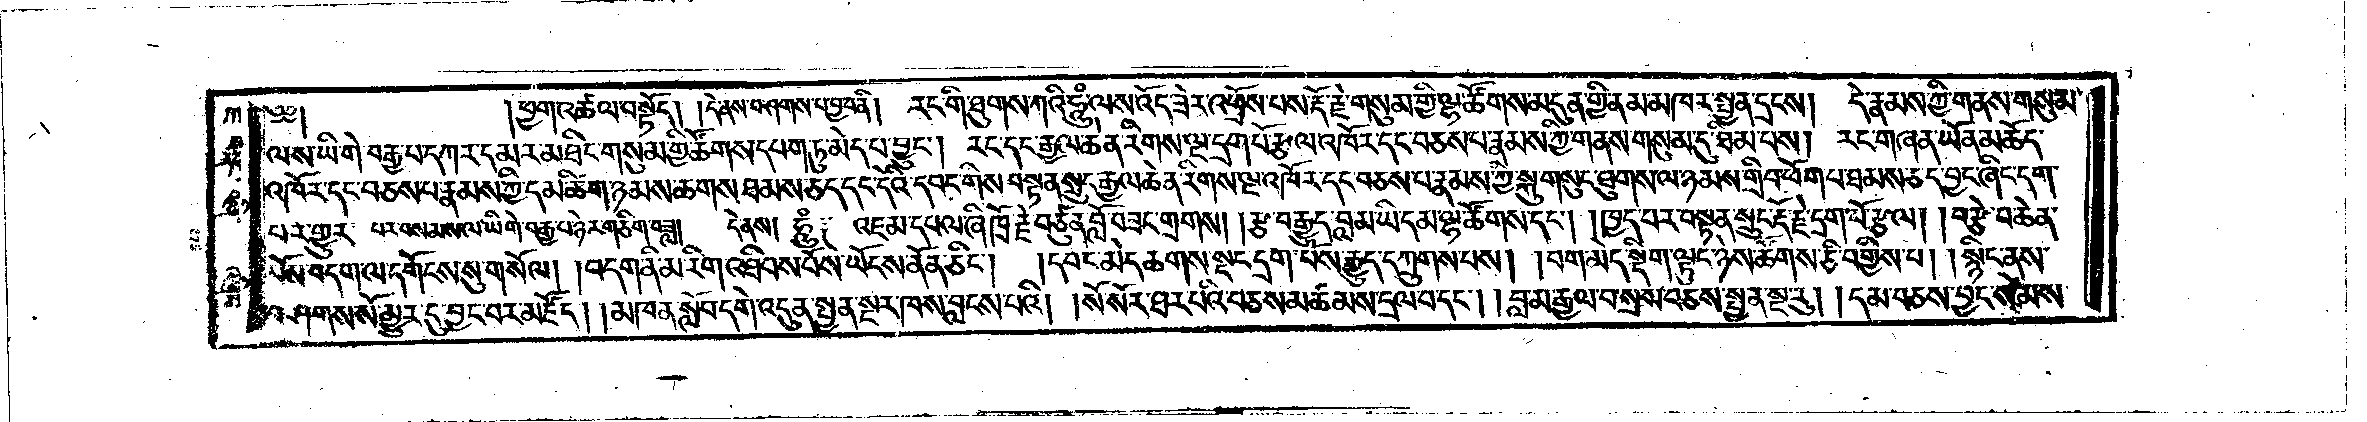༄༅། །ཕྱག་འཚལ་བསྟོད། །དེ་ནས་བཤགས་པ་བྱ་བ་ནི།  རང་གི་ཐུགས་ཀའི་ཧཱུཾ་ལས་འོད་ཟེར་འཕྲོས་པས་རྡོ་རྗེ་གསུམ་གྱི་ལྷ་ཚོགས་མདུན་གྱི་ནམ་མཁར་སྤྱན་དྲངས། དེ་རྣམས་ཀྱི་གནས་གསུམ་
ལས་ཡི་གེ་བརྒྱ་པ་དཀར་དམར་མཐིང་གསུམ་གྱི་ཚོགས་དཔག་ཏུ་མེད་པ་བྱུང་། རང་དང་རྒྱལ་ཆེན་རིགས་ལྔ་དྲག་པོ་རྩལ་འཁོར་དང་བཅས་པ་རྣམས་ཀྱི་གནས་གསུམ་དུ་ཐིམ་པས། རང་གཞན་ཡོན་མཆོད་
འཁོར་དང་བཅས་པ་རྣམས་ཀྱི་དམ་ཚིག་ཉམས་ཆགས་ཐམས་ཅད་དང་དེའི་དབང་གིས་བསྟན་སྲུང་རྒྱལ་ཆེན་རིགས་ལྔ་འཁོར་དང་བཅས་པ་རྣམས་ཀྱི་སྐུ་གསུང་ཐུགས་ལ་ཉམས་གྲིབ་ཕོག་པ་ཐམས་ཅད་བྱང་ཞིང་དག་
པར་གྱུར་པར་བསམས་ལ་ཡི་གེ་བརྒྱ་པ་ཉེར་གཅིག་བཟླ། དེ་ནས།  ཧཱུཾ༑ འཇམ་དཔལ་ཞི་ཁྲོ་རྗེ་བཙུན་བློ་བཟང་གྲགས། །རྩ་བརྒྱུད་བླ་མ་ཡི་དམ་ལྷ་ཚོགས་དང་། །ཁྱད་པར་བསྟན་སྲུང་རྡོ་རྗེ་དྲག་པོ་རྩལ། །བརྩེ་བ་ཆེན་
པོས་བདག་ལ་དགོངས་སུ་གསོལ། །བདག་ནི་མ་རིག་འཐིབས་པོས་ཡོངས་ནོན་ཅིང་། །དབང་མེད་ཆགས་སྡང་དྲག་པོས་རྒྱུད་དཀྲུགས་པས། །བག་མེད་སྡིག་ལྟུང་ཉེས་ཚོགས་ཅི་བགྱིས་པ། །སྙིང་ནས་
བཤགས་སོ་མྱུར་དུ་བྱང་བར་མཛོད། །མཁན་སློབ་དགེ་འདུན་སྤྱན་སྔར་ཁས་བླངས་པའི། །སོ་སོར་ཐར་བའི་བཅས་མཚམས་དྲལ་བ་དང་། །བླ་མ་རྒྱལ་བ་སྲས་བཅས་སྤྱན་སྔ་རུ། །དམ་བཅས་བྱང་སེམས་